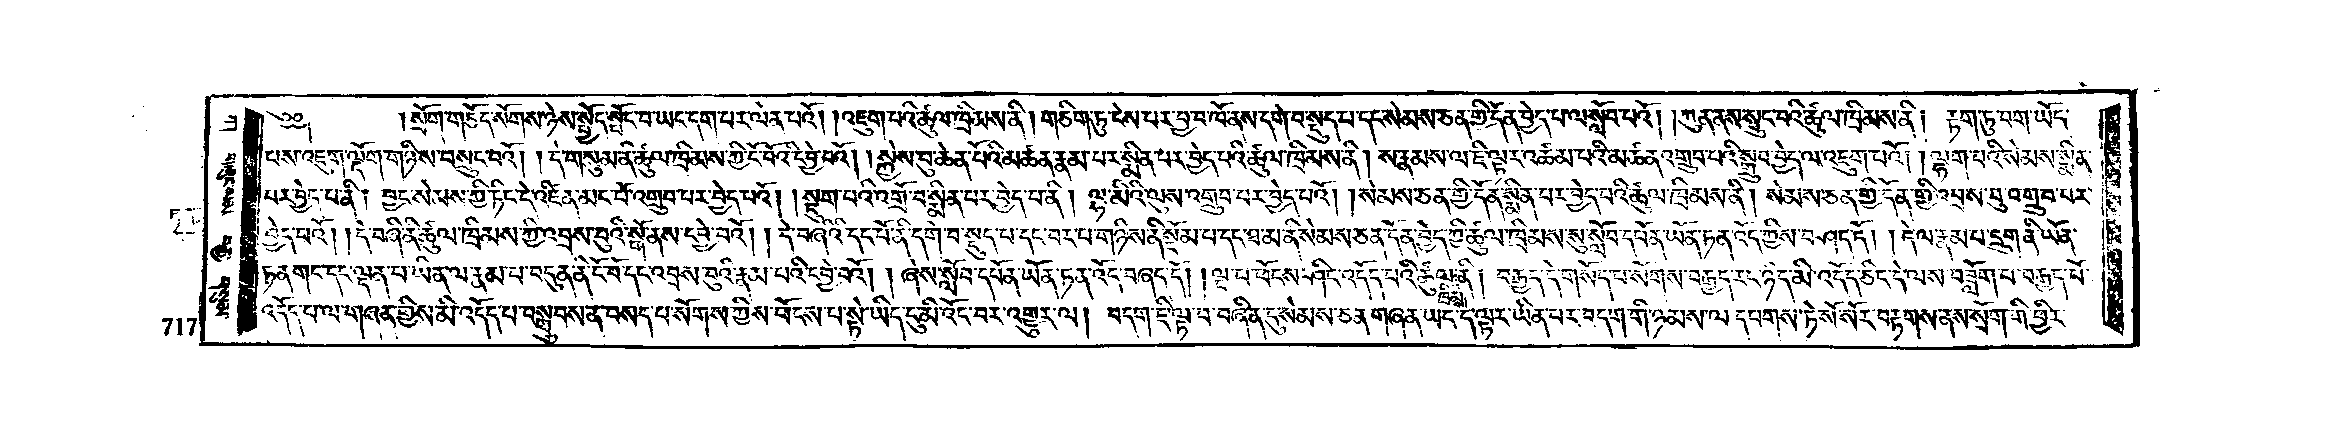༄༅། །སྲོག་གཅོད་སོགས་ཉེས་སྤྱོད་སྤོང་བ་ཡང་དག་པར་ལེན་པའོ། །འཇུག་པའི་ཚུལ་ཁྲིམས་ནི། གཅིག་ཏུ་ངེས་པར་བྱ་བ་ཁོ་ནས་དགེ་བ་སྡུད་པ་དང་སེམས་ཅན་གྱི་དོན་བྱེད་པ་ལ་སློབ་པའོ། །ཀུན་ནས་སྲུང་བའི་ཚུལ་ཁྲིམས་ནི། རྟག་ཏུ་བག་ཡོད་
པས་འཇུག་ལྡོག་གཉིས་བསྲུང་བའོ། །དེ་གསུམ་ནི་ཚུལ་ཁྲིམས་ཀྱི་ངོ་བོའི་དབྱེ་བའོ། །སྐྱེས་བུ་ཆེན་པོའི་མཚན་རྣམ་པར་སྨིན་པར་བྱེད་པའི་ཚུལ་ཁྲིམས་ནི། ས་རྣམས་ལ་ཇི་ལྟར་འཚམ་པའི་མཚན་འགྲུབ་པའི་སྒྲུབ་བྱེད་ལ་འཇུག་པའོ། །ལྷག་པའི་སེམས་སྨིན་
པར་བྱེད་པ་ནི། བྱང་སེམས་ཀྱི་ཏིང་ངེ་འཛིན་མང་པོ་འགྲུབ་པར་བྱེད་པའོ། །སྡུག་པའི་འགྲོ་བ་སྨིན་པར་བྱེད་པ་ནི། ལྷ་མིའི་ལུས་འགྲུབ་པར་བྱེད་པའོ། །སེམས་ཅན་གྱི་དོན་སྨིན་པར་བྱེད་པའི་ཚུལ་ཁྲིམས་ནི། སེམས་ཅན་གྱི་དོན་གྱི་འབྲས་བུ་འགྲུབ་པར་
བྱེད་པའོ། །དེ་བཞི་ནི་ཚུལ་ཁྲིམས་ཀྱི་འབྲས་བུའི་སྒོ་ནས་དབྱེ་བའོ། །དེ་བཞིའི་དང་པོ་ནི་དགེ་བ་སྡུད་པ་དང་བར་པ་གཉིས་ནི་སྡོམ་པ་དང་ཐ་མ་ནི་སེམས་ཅན་དོན་བྱེད་ཀྱི་ཚུལ་ཁྲིམས་སུ་སློབ་དཔོན་ཡོན་ཏན་འོད་ཀྱིས་བཤད་དོ། །དེ་ལ་རྣམ་པ་དྲུག་ནི་ཡོན་
ཏན་གང་དང་ལྡན་པ་ཡིན་ལ་རྣམ་པ་བདུན་ནི་ངོ་བོ་དང་འབྲས་བུའི་རྣམ་པའི་དབྱེ་བའོ། །ཞེས་སློབ་དཔོན་ཡོན་ཏན་འོད་བཞད་དོ། །ལྔ་པ་ཕོངས་ཤིང་འདོད་པའི་ཚུལ་ཁྲིམས་ནི། བརྒྱད་དེ་གསོད་པ་སོགས་བརྒྱད་རང་ཉིད་མི་འདོད་ཅིང་དེ་ལས་བཟློག་པ་བརྒྱད་པོ་
འདོད་པ་ལ་གཞན་གྱིས་མི་འདོད་པ་བསྒྲུབས་ན་བསད་པ་སོགས་ཀྱིས་ཕོངས་པ་སྟེ་ཡིད་དུ་མི་འོང་བར་འགྱུར་ལ། བདག་ཇི་ལྟ་བ་བཞིན་དུ་སེམས་ཅན་གཞན་ཡང་དེ་ལྟར་ཡིན་པར་བདག་གི་ཉམས་ལ་དཔགས་ཏེ་སོ་སོར་བརྟགས་ནས་སྲོག་གི་ཕྱིར་